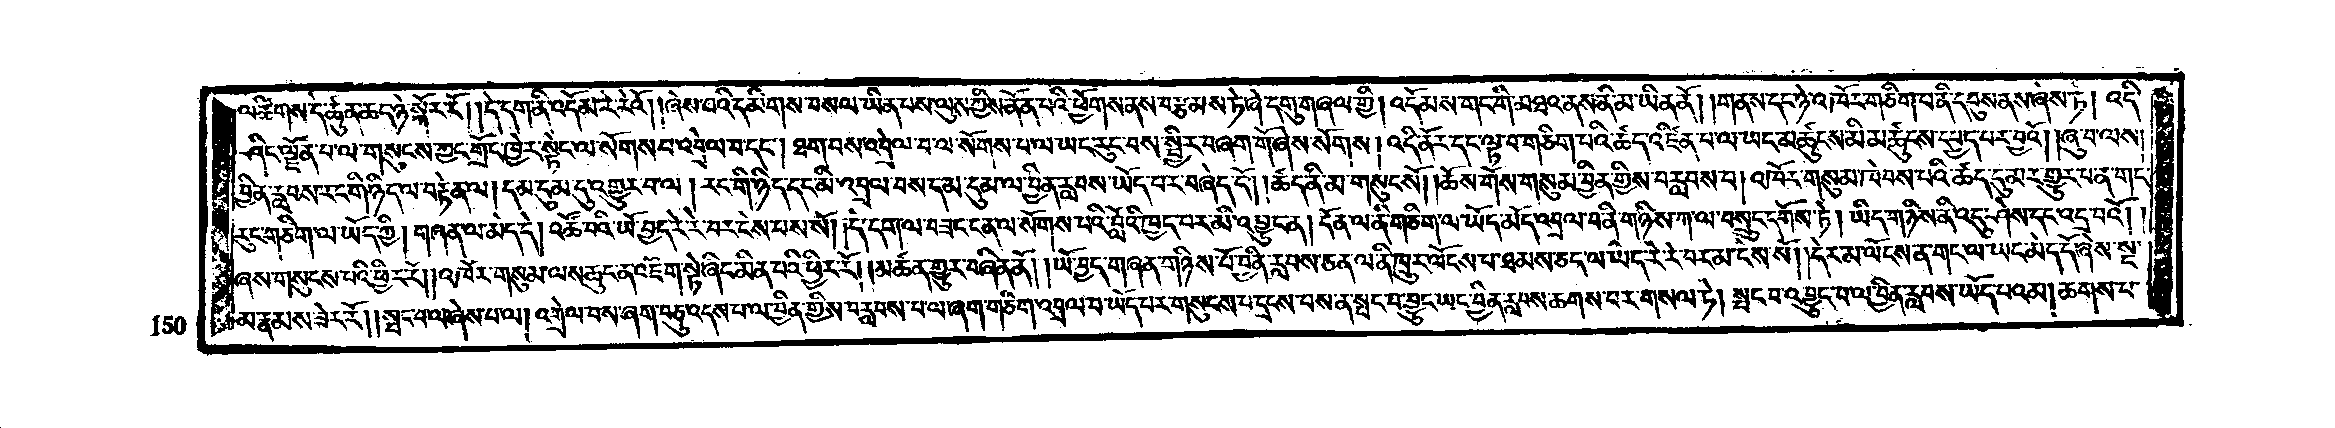ལ་ཚིགས་དེ་ཚུན་ཆད་ཉེ་སྐོར་རོ། །དེ་དག་ནི་འདོམ་རེ་རེའོ། །ཞེས་པའི་དམིགས་བསལ་ཡིན་པས་ལུས་ཀྱིས་ནོན་པའི་ཕྱོགས་ནས་བརྩམས་ཏེ་ཞེ་དགུ་གཞལ་གྱི། འདོམས་གང་གི་མཐའ་ནས་ནི་མ་ཡིན་ནོ། །གནས་དང་ཉེ་འཁོར་གཅིག་པ་ནི་དབུས་ནས་ཞེས་ཏེ། འདི་
ཤིང་ལྗོན་པ་ལ་གསུངས་ཀྱང་གྲོང་ཁྱེར་སྟེང་ལ་སོགས་པ་འབྲེལ་བ་དང་། ཐག་པས་འབྲེལ་བ་ལ་སོགས་པ་ལ་ཡང་རུང་བས་སྤྱིར་བཞག་གོ་ཞེས་སོགས། འདི་ནོར་དང་ལྟ་བ་གཅིག་པའི་ཚད་འཛིན་པ་ལ་ཡང་མཚུངས་མི་མཚུངས་དཔྱད་པར་བྱའོ། །ཞུ་བ་ལས།
བྱིན་རླབས་རང་གི་ཉིད་ལ་བརྟེན་ལ། དམ་དུམ་དུ་འགྱུར་བ་ལ། རང་གི་ཉིད་དང་མི་འབྲལ་བས་དམ་དུམ་ལ་བྱིན་རླབས་ཡོད་པར་བཞེད་དོ། །ཚད་ནི་མ་གསུངས་སོ། །ཆོས་གོས་གསུམ་བྱིན་གྱིས་བརླབས་པ། འཁོར་གསུམ་ཁེབས་པའི་ཚད་དུ་མར་གྱུར་པ་ན་གང་
རུང་གཅིག་ལ་ཡོད་ཀྱི། གཞན་ལ་མེད་དེ། འཚོ་བའི་ཡོ་བྱད་རེ་རེ་བར་ངེས་པས་སོ། །དེ་དག་ལ་བཟང་ངན་ལ་སོགས་པའི་བློའི་ཁྱད་པར་མི་འབྱུང་ན། དོན་ལ་ནི་གཅིག་ལ་ཡོད་མོད་འབྲལ་བ་ནི་གཉིས་ཀ་ལ་བསྲུང་དགོས་ཏེ། ཡིད་གཉིས་ནི་འདུ་ཤེས་དང་འདྲ་བའོ། །
ཞས་གསུངས་པའི་ཕྱིར་རོ། །འཁོར་གསུམ་ལས་ཆུང་ན་འཇིག་སྟེ་ཞིང་མིན་པའི་ཕྱིར་རོ། །མཚན་གྱུར་བཞིན་ནོ། །ཡོ་བྱད་གཞན་གཉིས་པོ་བྱིན་རླབས་ཅན་ལ་ནི་ཁྲུར་ལོངས་ཕ་ཐམས་ཅད་ལ་ཡིད་རེ་རེ་བར་མ་ངེས་སོ། །དེར་མ་ལོངས་ན་གང་ལ་ཡང་མེད་དོ་ཞེས་སྔ་
མ་རྣམས་ཟེར་རོ། །སྤང་བ་ལ་ཞེས་པ་ལ། འགྲེལ་པས་ཞག་བཅུ་འདས་པ་ལ་བྱིན་གྱིས་བརླབས་པ་ལ་ཞག་གཅིག་འབྲལ་བ་ཡོད་པར་གསུངས་པ་དྲངས་པས་ན་སྤང་བ་བྱུང་ཡང་བྱིན་རླབས་ཆགས་པར་གསལ་ཏེ། སྤང་བ་འབྱུང་བ་ལ་བྱིན་རླབས་ཡོད་པའམ། ཆགས་པ་